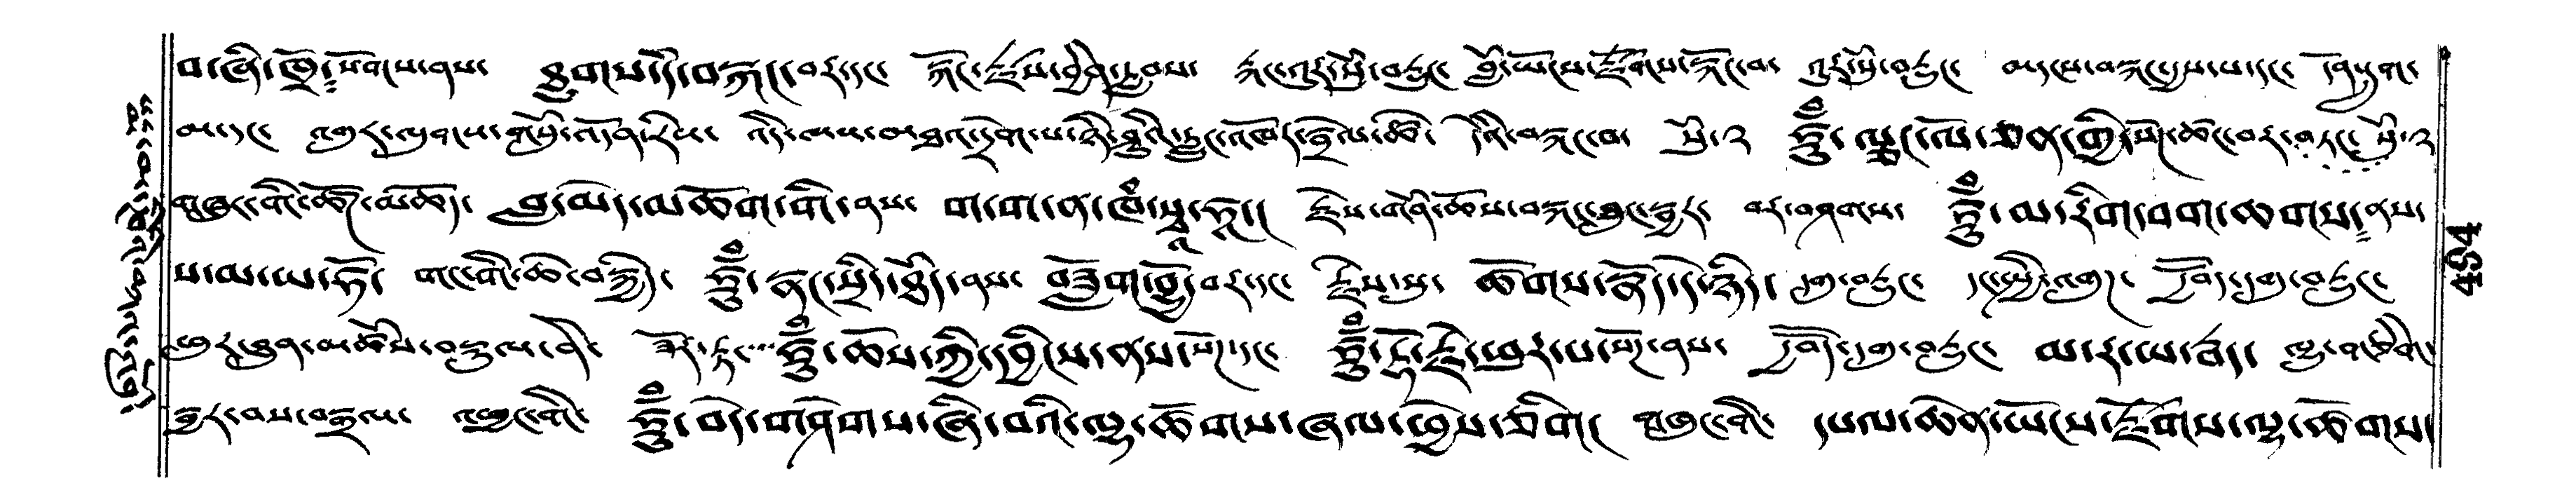བ་ཞི་ཁྲོ༴ སོགས་ནས། ཐུགས་དམ་བསྐང༔ བར་དང་། སྐོང་རྗས་བྱིན་རླབས། ( རྐང་འུར་སུམ་བརྡུང་། ) བླ་མ་ཡོངས་རྫོགས་སྐོང་བ། ( འུར་སུམ་བརྡུང་། ) མདངས་བསྐང་རྒྱས་པ་དང་། དོན་དྲུག་
མ་དང་། འགུར་ལུགས་གསུམ་འདོན་རེས། འདིར་ལས་མཐའ་དྲེགས་པ་ཉི་ཤུའི་རླུང་འཁོར་སྦྲེལ་ཚེ། དེའི་བསྐང་བ། ( སུམ་གཉིས། ) ཧཱུྃ༔ལྕང་ལོ་ཅན་གྱི༴ སོགས་ཚང་བར་བཏང་།
 གཞུང་གི་ཚོགས་མཆོད། བླ་མེད་མཆོག་གི༴ ནས། ག་ག་ན་ཁཾ་སྭཱ་ཧཱ༔ རྗེས་གནམ་ཆོས་བསྐང་ཐུང་སྦྱར། བར་བཤགས། ཧཱུྃ༔མ་རིག་བག་ཆགས༴ ནས།
 ས་མ་ཡ་ཧོ༔ གང་གི་ཆེ་བསྐྱེད། ཧཱུྃ༔ སྣང་སྲིད་ཐམས་ཅད༴ ནས། བཟློག་བྷྱོ༴ བར་དང་། རྗེས་སུ། ཚོགས་སྣོད་དེ་ཉིད༴ ( དགུ་བརྡུང་། ) དང་། སྤྱི་འགུགས། ( རྒྱོབ་སོད་དགུ་བརྡུང་། ) 
ཕུར་ཐུན་མཚམས་བསྐུལ་ནི། ཟོར་རྟ། ཧཱུྃ༔ཆོས་ཀྱི་དབྱིངས་ནས༴ སོགས་དང་། ཧཱུྃ༔རྡོ་རྗེ་ཕུར་པ༴ སོགས་ནས། ( རྒྱབ་སོད་དགུ་བརྡུང་། ) མ་ར་ཡ་རྦད༔ ལྷུ་གཅིག་
སྦྱར་བས་བསྒྲལ། འཕྱང་གི ཧཱུྃ༔བདེ་གཤེགས་ཞི་བའི་ལྷ་ཚོགས་ཞལ་ཕྱེས་ཤིག༔ གཞུང་གི དཔལ་ཆེན་ཡོངས་རྫོགས་ལྷ་ཚོགས༴